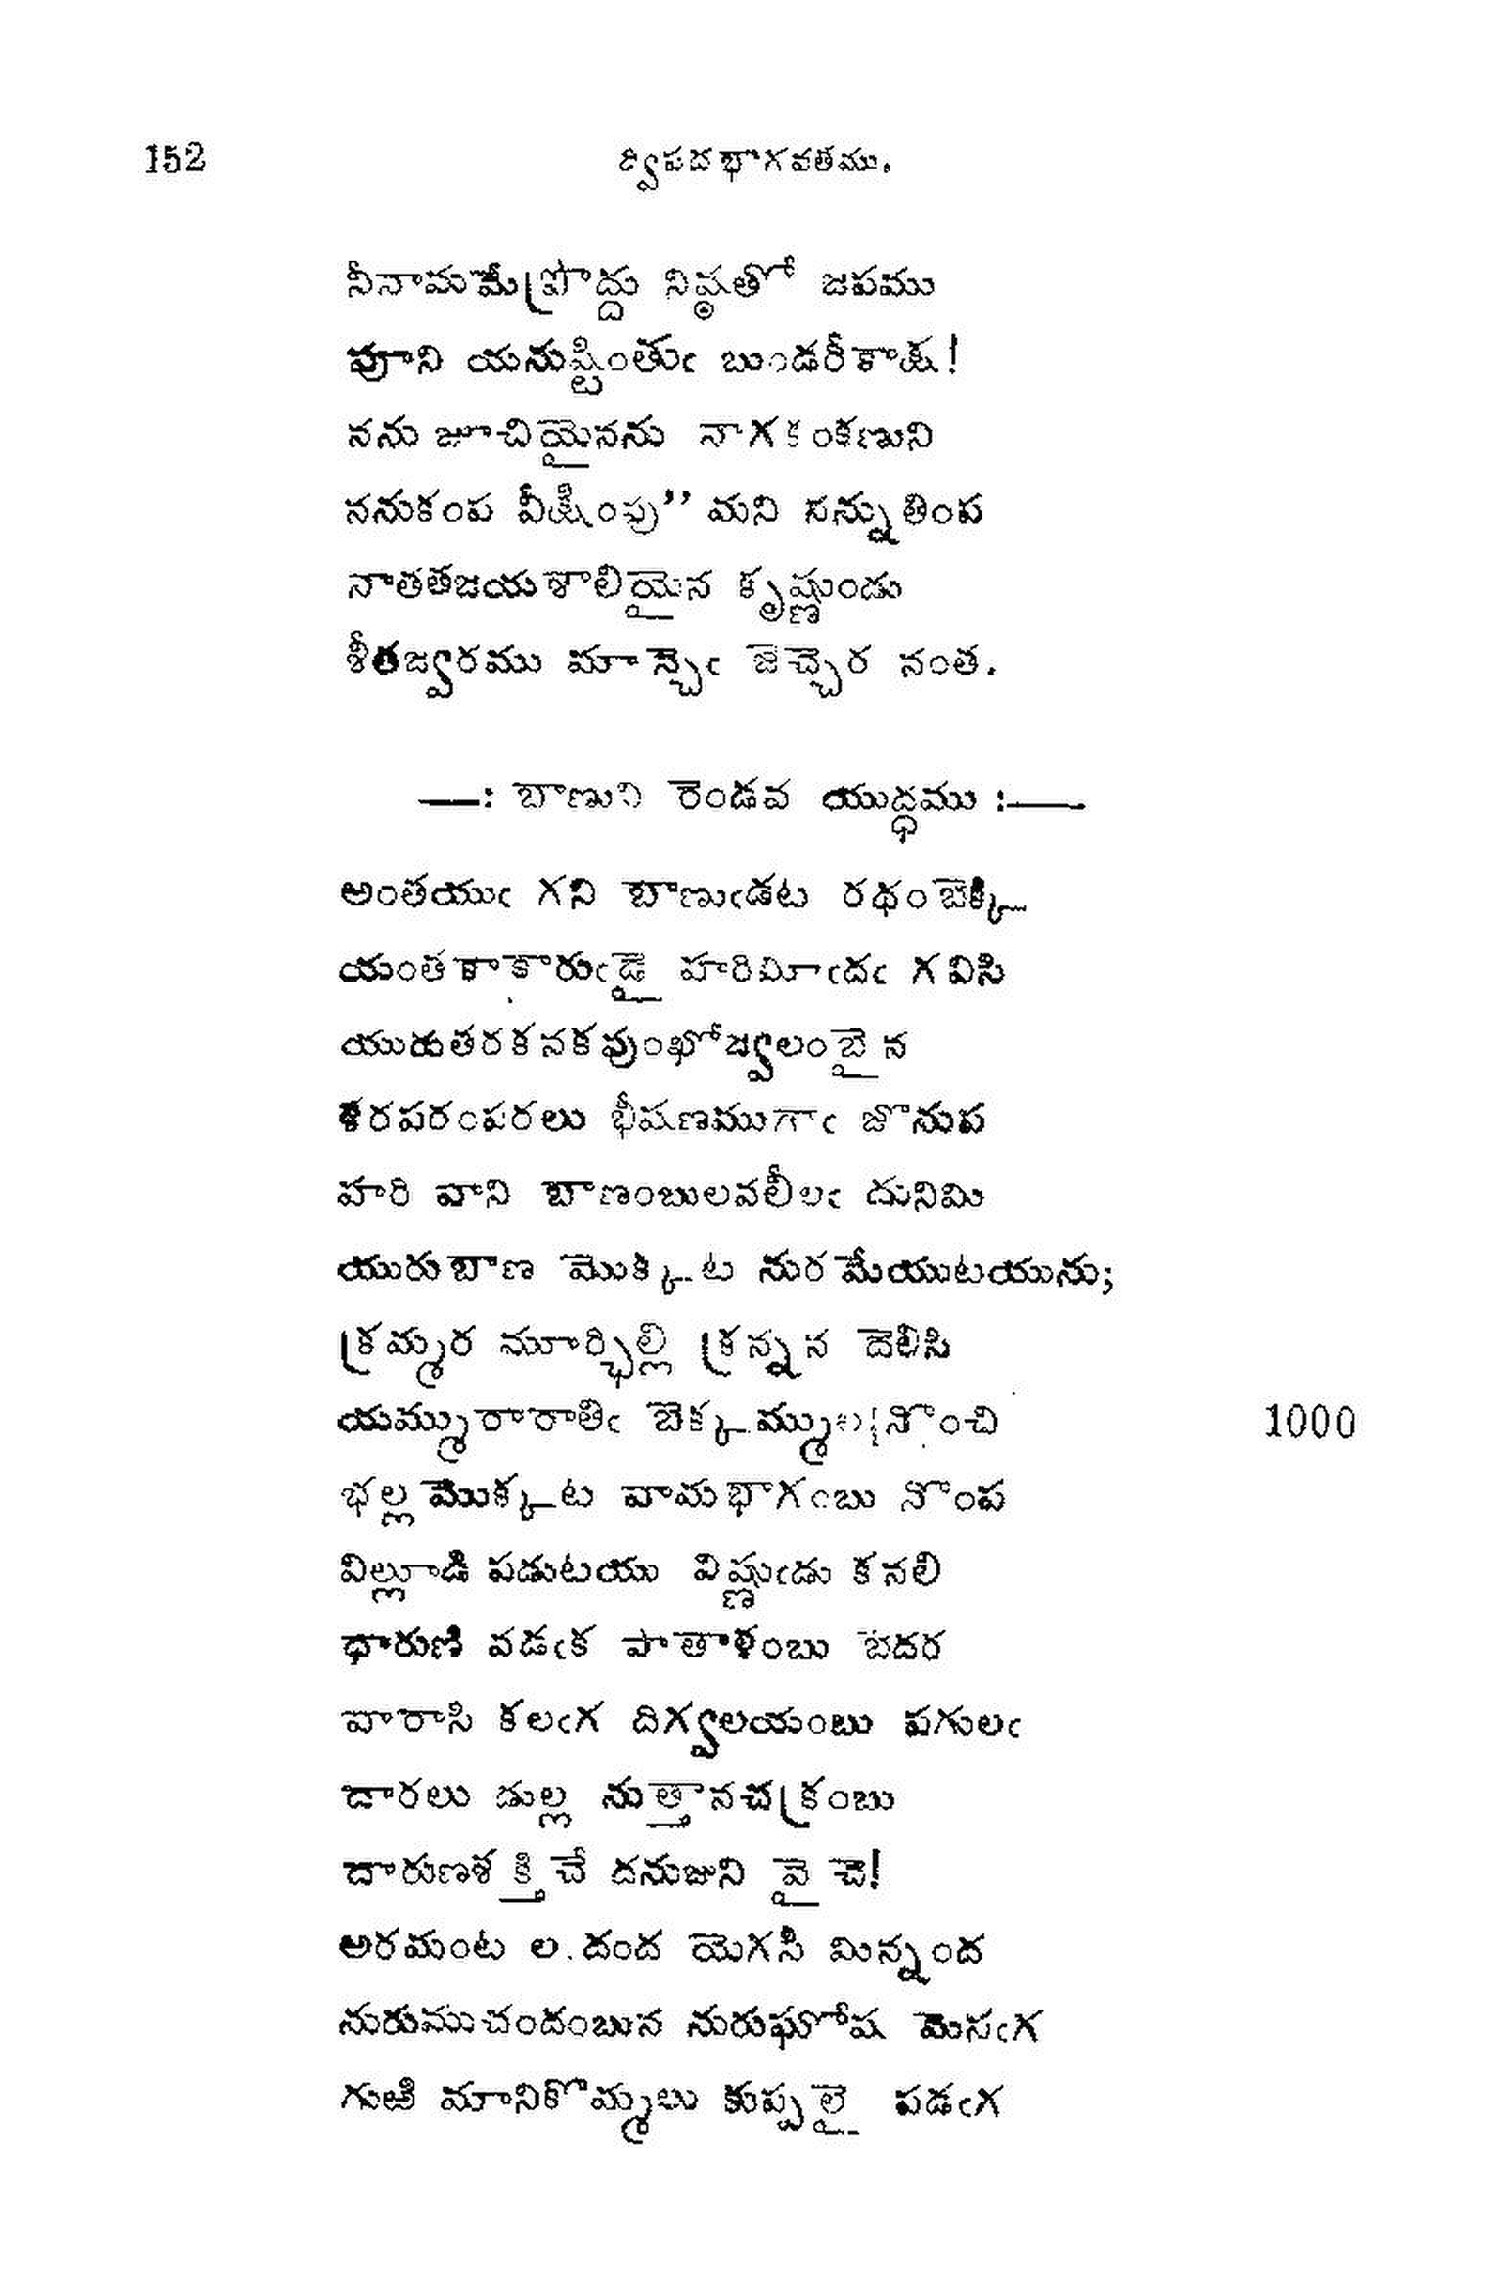నీనామమేప్రొద్దు నిష్ఠతో జపము
పూని యనుష్టింతుఁ బుండరీకాక్ష! 
నను జూచియైనను నాగకంకణుని
ననుకంప వీక్షింపు”మని సన్నుతింప
నాతతజయశాలియైన కృష్ణుండు
శీతజ్వరము మాన్చెఁ జెచ్చెర నంత. 

అంతయుఁ గని బాణుడట రథంబెక్కి
యంతకాకారుఁడై హరిమీఁదఁ గవిసి
యురుతరకనకపుంఖోజ్వలంబైన
శరపరంపరలు భీషణముగా జొనుప
హరి వాని బాణంబులవలీలఁ దునిమి
యిరుబాణమొక్కట నిరమేయుటయును; 
క్రమ్మర మూర్చిల్లి క్రన్నన దెలిసి
యమ్మురారాతిఁ బెక్కమ్ముల నొంచి
భల్లమొక్కట వామభాగంబు నొంప
విల్లూడిపడుటయు విష్ణుఁడు కనలి
ధారుణి వడఁక పాతాళంబు బెదర
వారాసి కలఁగ దిగ్వలయంబు పగులఁ
దారలు డుల్ల నుత్తానచక్రంబు
దారుణశక్తిచే దనుజుని వైచె! 
అరమంట లందంద యెగసి మిన్నంద
నురుముచందంబున నురుఘోష మెసఁగ
గుఱి మానికొమ్మలు కుప్పలై పడఁగ